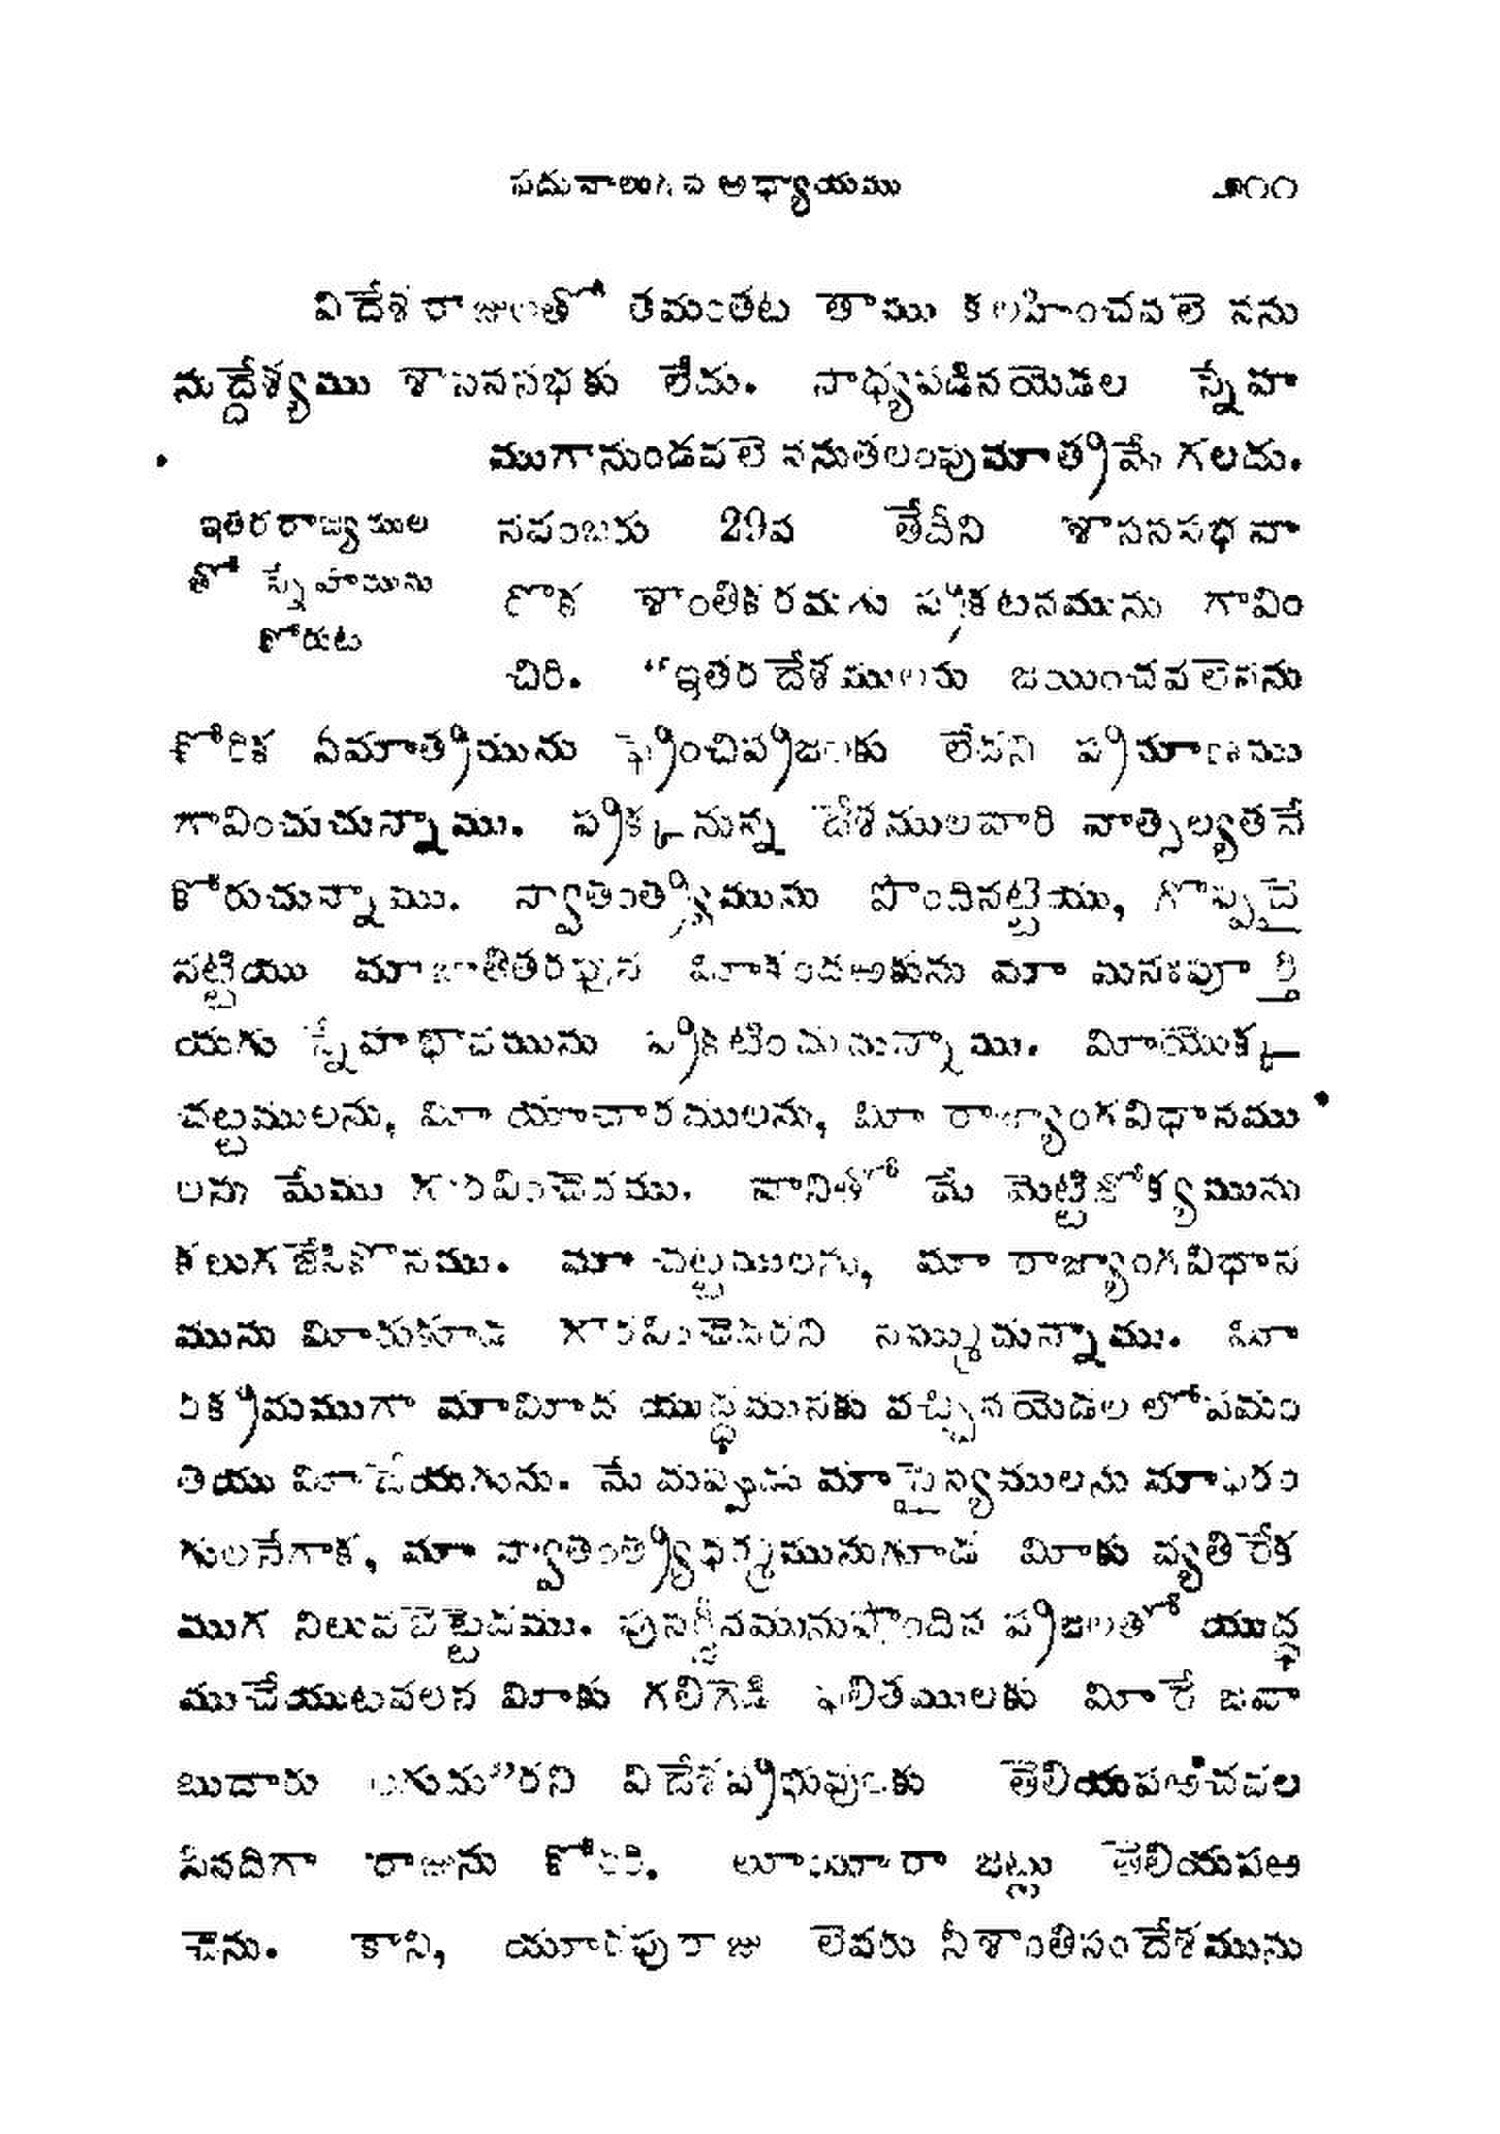ఇతర రాజ్యముల
తో స్నేహమును
గోరుట

విదేశ రాజులతో తమంతట తాము కలహించవలె నను
నుద్దేశ్యము శాసనసభకు లేదు. సాధ్యపడిన యెడల స్నేహ
ముగా నుండవలె నసుతలంపు మాత్రమే గలదు.
నవంబరు 20వ తేదీని శాసనసభవారొక శాంతికరమగు ప్రకటనమును 
గావించిరి. “ఇతర దేశములను జయించవలెనను
గోరిక ఏమాత్రమును ప్రెంచి ప్రజలకు లేదని ప్రమాణము
గావించుచున్నాము. ప్రక్క నున్న "దేశముల వారి వాత్సల్యతనే
గోరుచున్నాము. స్వాతంత్యమును పొందినట్టియు, గొప్పదై
నట్టియు మాజాతి తరపున మీకందరకును మా మనఃపూర్తి
యగు స్నేహభావమును ప్రకటించు చున్నాము. మీ యొక్క
చట్టములను, మీ యూచారములను, మీ ర్యాజ్యాంగ విధానము 
లను మేము గౌరవించెదము, వాటితో మేమెట్టి జోక్యమును
కలుగజేసి కొనము. మా చట్టు ములను, మా రాజ్యాంగ విధాన
మును మీఉకూడ గౌరవించెదరని సమ్ముచున్నాము. మీ
ర్క్రమముగా మామీద యుధ్ధమునకు వచ్చిన యెడల లోపమం
తయు మీదేయగును. మే ముప్పుడు మా సైన్యములను మాపిరం
గులనేగాక, మా స్వాతంత్ర ధర్మమునుగూడ మీకు వ్యతి రేక
ముగ నిలువ బెట్టెదము. పుసర్జీవమును పొందిన ప్రజలతో యుద్ధ
ముచేయుటవలన మీకు గలిగెడి పలితములకు మీరే జవా
బుదారులగుదురని విదేశీ ప్రభువుకు తెలియపంచవల
సినదిగా రాజును కోరిరి. లూయీ రా జట్లు తెలియపరచెను.
కానీ యూర పురాజు లెవరు నీ శాంతి సందేశమును